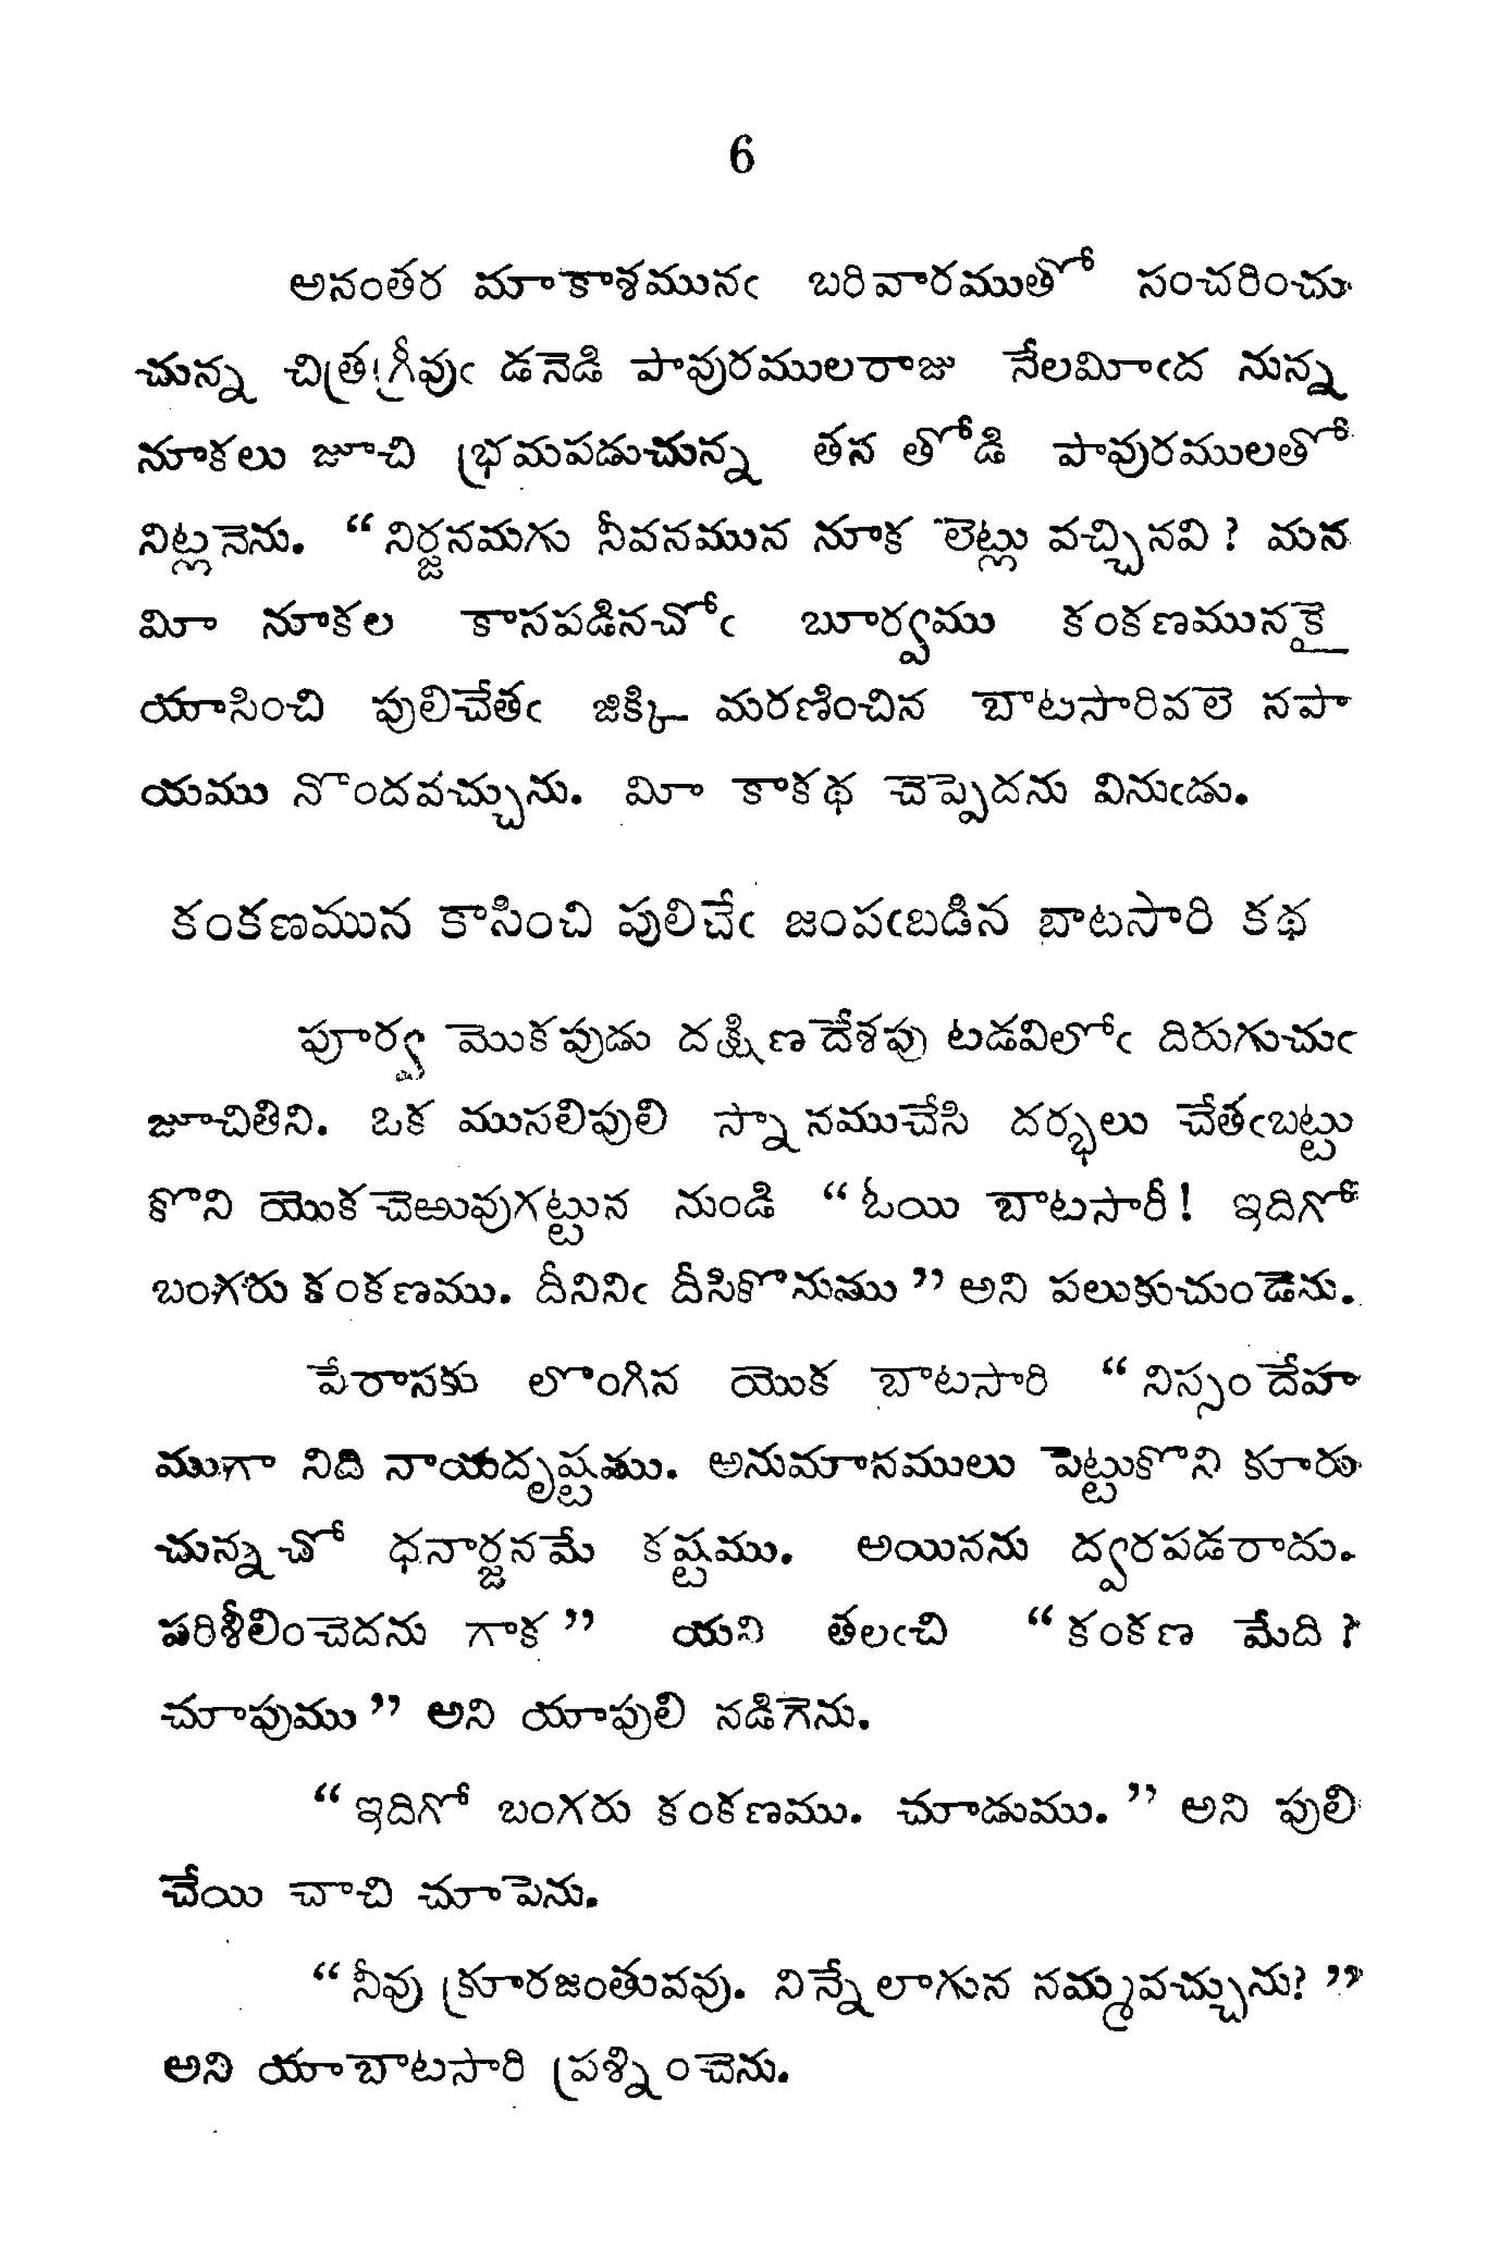అనంతర మాకాశమున బరివారముతో సంచరించు చున్న చిత్రగ్రీవు డనెడి పావురములరాజు నేలమీద నున్న నూకలు జూచి భ్రమపడుచున్న తన తోడి పావురములతో నిట్లనెను. "నిర్జనమగు నీవనమున నూక లెట్లు వచ్చినవి? మన మీ నూకల కాసపడినచో బూర్వము కంకణమునకై యాసించి పులిచేత జిక్కి మరణించిన బాటసారివలె నపాయము నొందవచ్చును. మీ కాకథ చెప్పెదను వినుడు.

పూర్వ మొకపుడు దక్షిణదేశపు టడివిలో దిరుగుచు జూచితిని. ఒక ముసలిపులి స్నానముచేసి దర్భలు చేత బట్టుకొని యొక చెఱువుగట్టున నుండి "ఓయి బాటసారీ! ఇదిగో బంగరు కంకణము. దీనిని దీసికొనుము" అని పలుకుచుండెను.

పేరాసకు లొంగిన యొక బాటసారి "నిస్సందేహముగా నిది నాయదృష్టము. అనుమానములు పెట్టుకొని కూరుచున్నచో ధనార్జనమే కష్టము. అయినను ద్వరపడరాదు. పరిశీలించెదను గాక" యని తలచి "కంకణ మేది? చూపుము" అని యాపులి నడిగెను. 

"ఇదిగో బంగరు కంకణము. చూడుము." అని పులి చేయి చాచి చూపెను.

"నీవు క్రూరజంతువవు. నిన్నేలాగున నమ్మవచ్చును?" అని యాబాటసారి ప్రశ్నించెను.